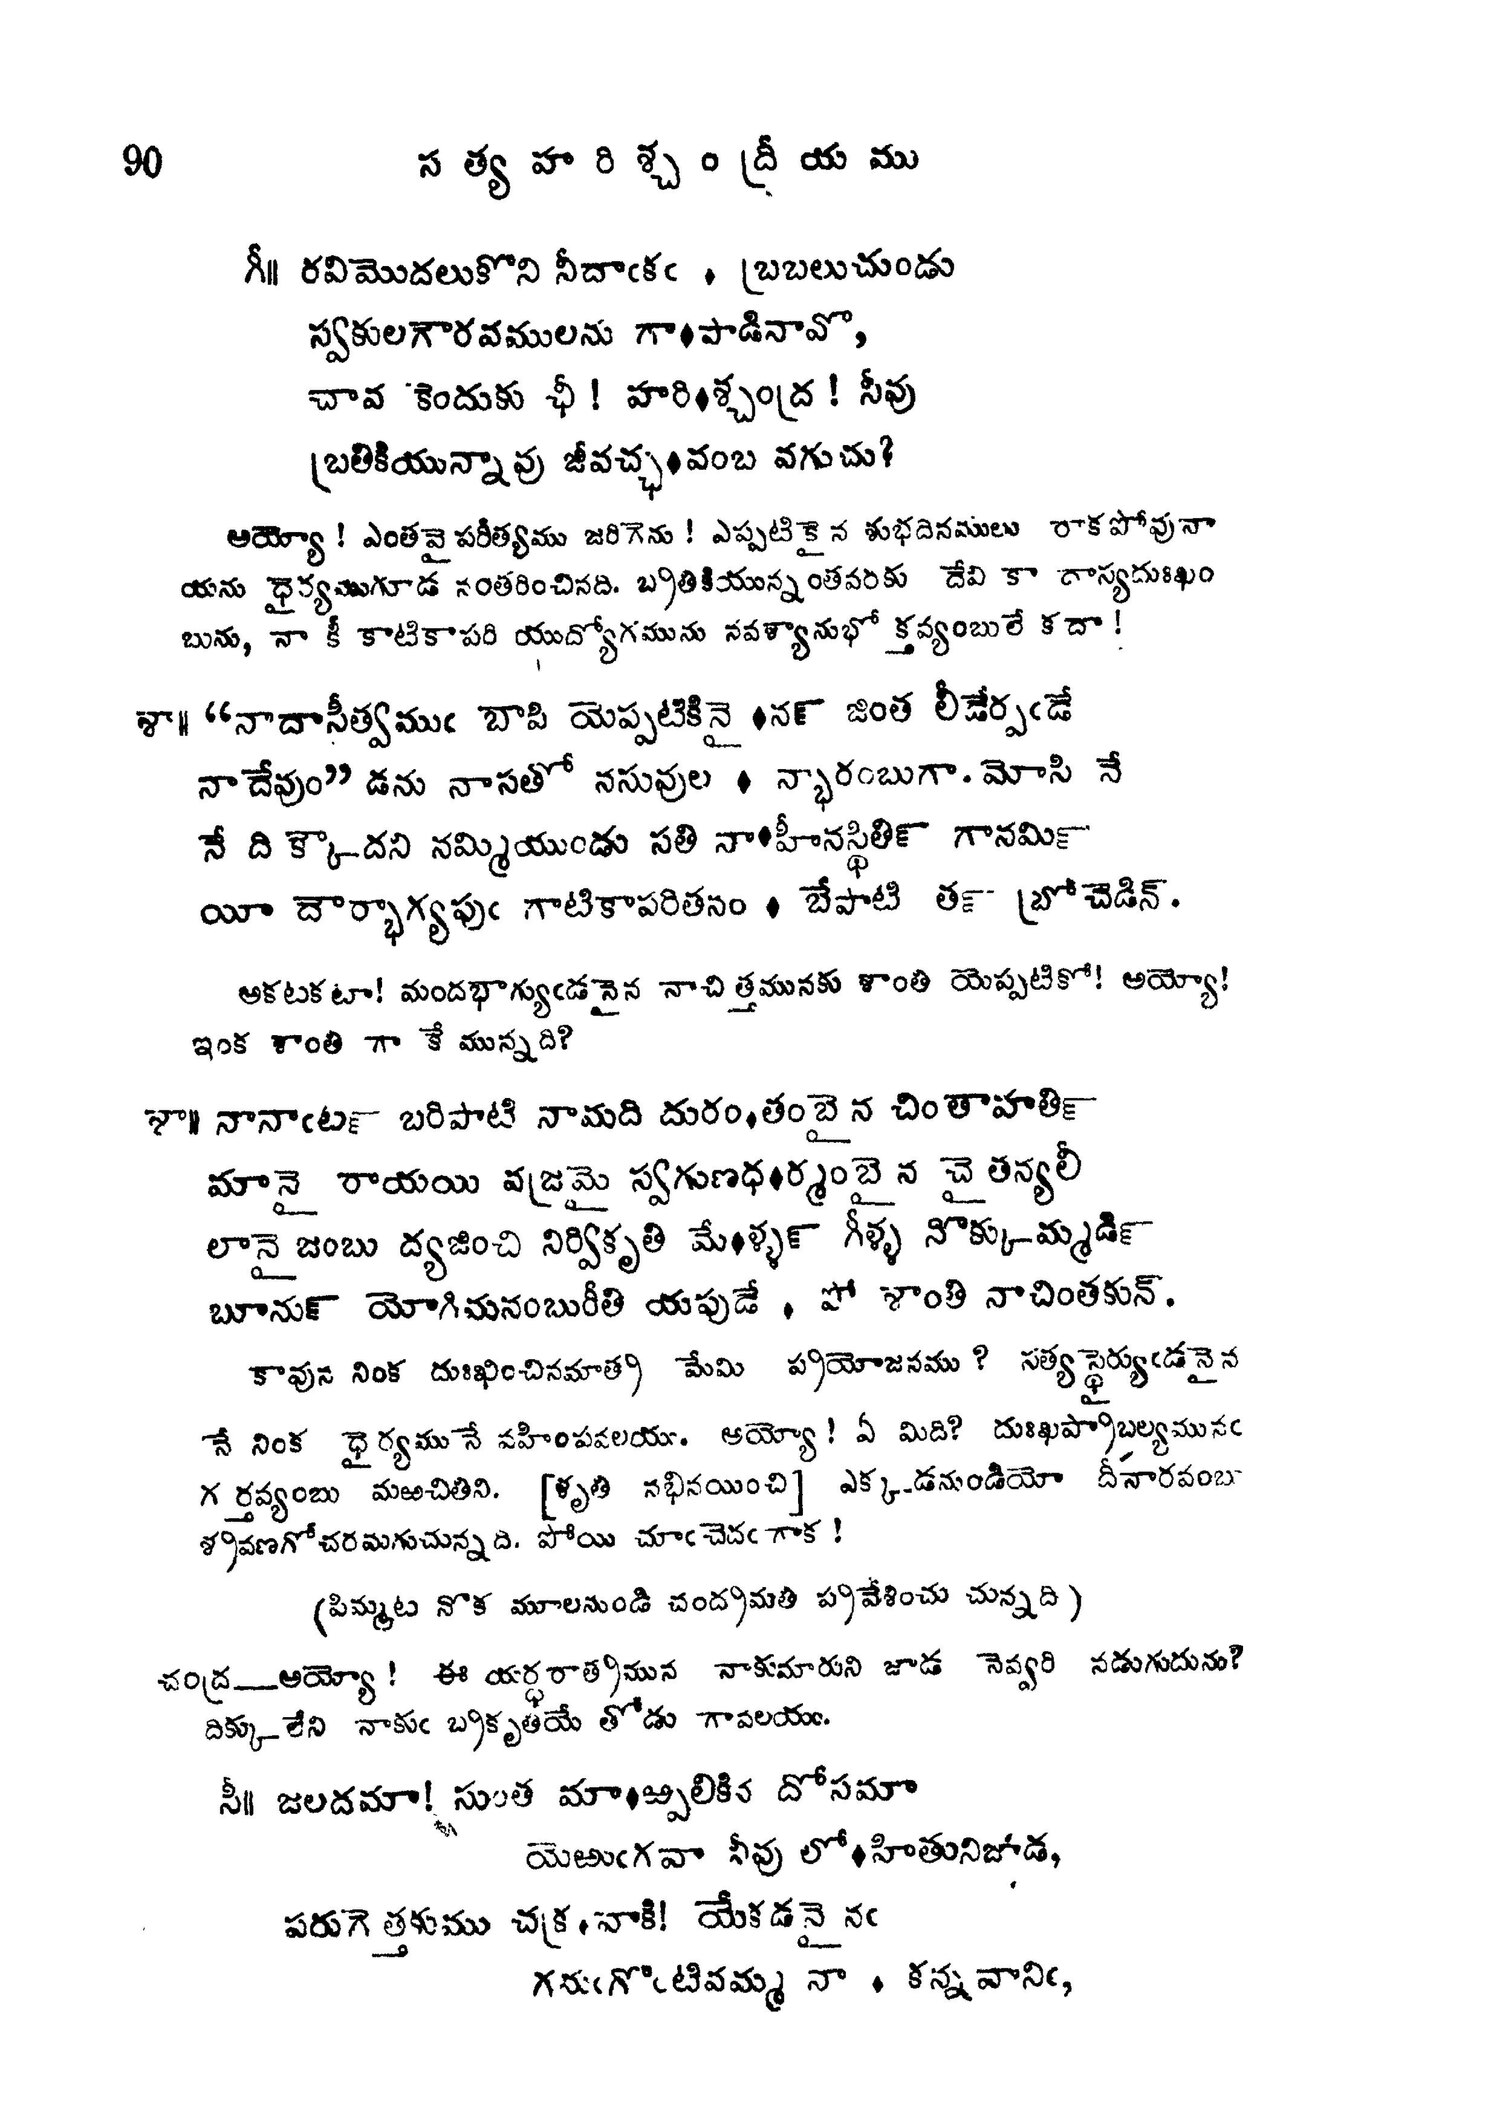గీ|| రవి మొదలుకొని నీదాఁక బ్రబలుచుండు
 స్వకుల గౌరవములను గాపాడినావొ
 చావకెందుకు ఛీ! హరిశ్చంద్ర! నీవు
 బ్రతికియున్నావు జీవచ్ఛవంబ వగుచు.

అయ్యో! ఎంతవైపరీత్యము జరిగెను. ఎప్పటికైన శుభములు రాకపోవునా యను ధైర్యము గూడ నంతరించినది. బ్రతికి యున్నంతవఱకు దేవికా దాస్యదుఃఖంబును, నాకీ కాటికాపరి యుద్యోగమును నవశ్యానుభోక్తవ్యంబులే కదా!

శా. 	నా దాసీత్వముఁ బాపి యెప్పటికినైనన్‌ జింత లీడేర్పడే
నా దేవుం డను నాసతో నసువులన్భారంబుగా మోసి నే
నే దిక్కౌదని నమ్మియుండు సతి నాహీనస్థితిన్‌ గానమిన్‌
ఈ దౌర్భాగ్యపు గాటికాపరితనం బేపాటితన్‌ బ్రోచెడిన్‌.

అకటకటా! మందభాగ్యుఁడనైన నా చిత్తమునకు శాంతి యెప్పటికో! అయ్యో! ఇంక శాంతి గాకేమున్నది?

శా. 	నానాటన్‌ బరిపాటి నా మది దురంతంబైన చింతాహతిన్‌
మానై రాయయి వజ్రమై స్వగుణ ధర్మంబైన చైతన్య లీ
లా నైజంబుఁ ద్యజించి నిర్వీకృతి మేళ్ళన్‌ గీళ్ళ నొక్కుమ్మడిన్‌
బూనున్‌ యోగి మనంబురీతి యపుడే పో శాంతి నా చింతకున్‌.

కావున నింక దుఃఖించిన మాత్ర మేమి ప్రయోజనము? సత్యస్థైర్యుఁడనైనఁ నే నింక ధైర్యమునే వహింపవలయును. అయ్యో! ఏమిది? దుఃఖ ప్రాబల్యమునఁ గర్తవ్యంబు మఱచితిని. (శ్రుతి నభినయించి) ఎక్కడనుండియో యీ దీనారావంబు శ్రవణ గోచరంబగుచున్నది, పోయి చూచెదఁగాక!

(పిమ్మట నొక మూలనుండి చంద్రమతి ప్రవేశించుచున్నది)

చంద్ర - 	అయ్యో! ఈ యర్థరాత్రమున నా కుమారుని జాడ నెవ్వరి నడుగుదును? దిక్కులేని నాకుఁ బ్రకృతియే తోడు గావలయును.

సీ. 	జలదమా! సుంత మార్బలికిన దోసమా
 యెఱుగవా నీవు లోహితునిజాడ
పరుగెత్తకుము చక్రవాకీ! యేకడనైన
 గనుఁగొంటివమ్మ నా కన్నవానిఁ